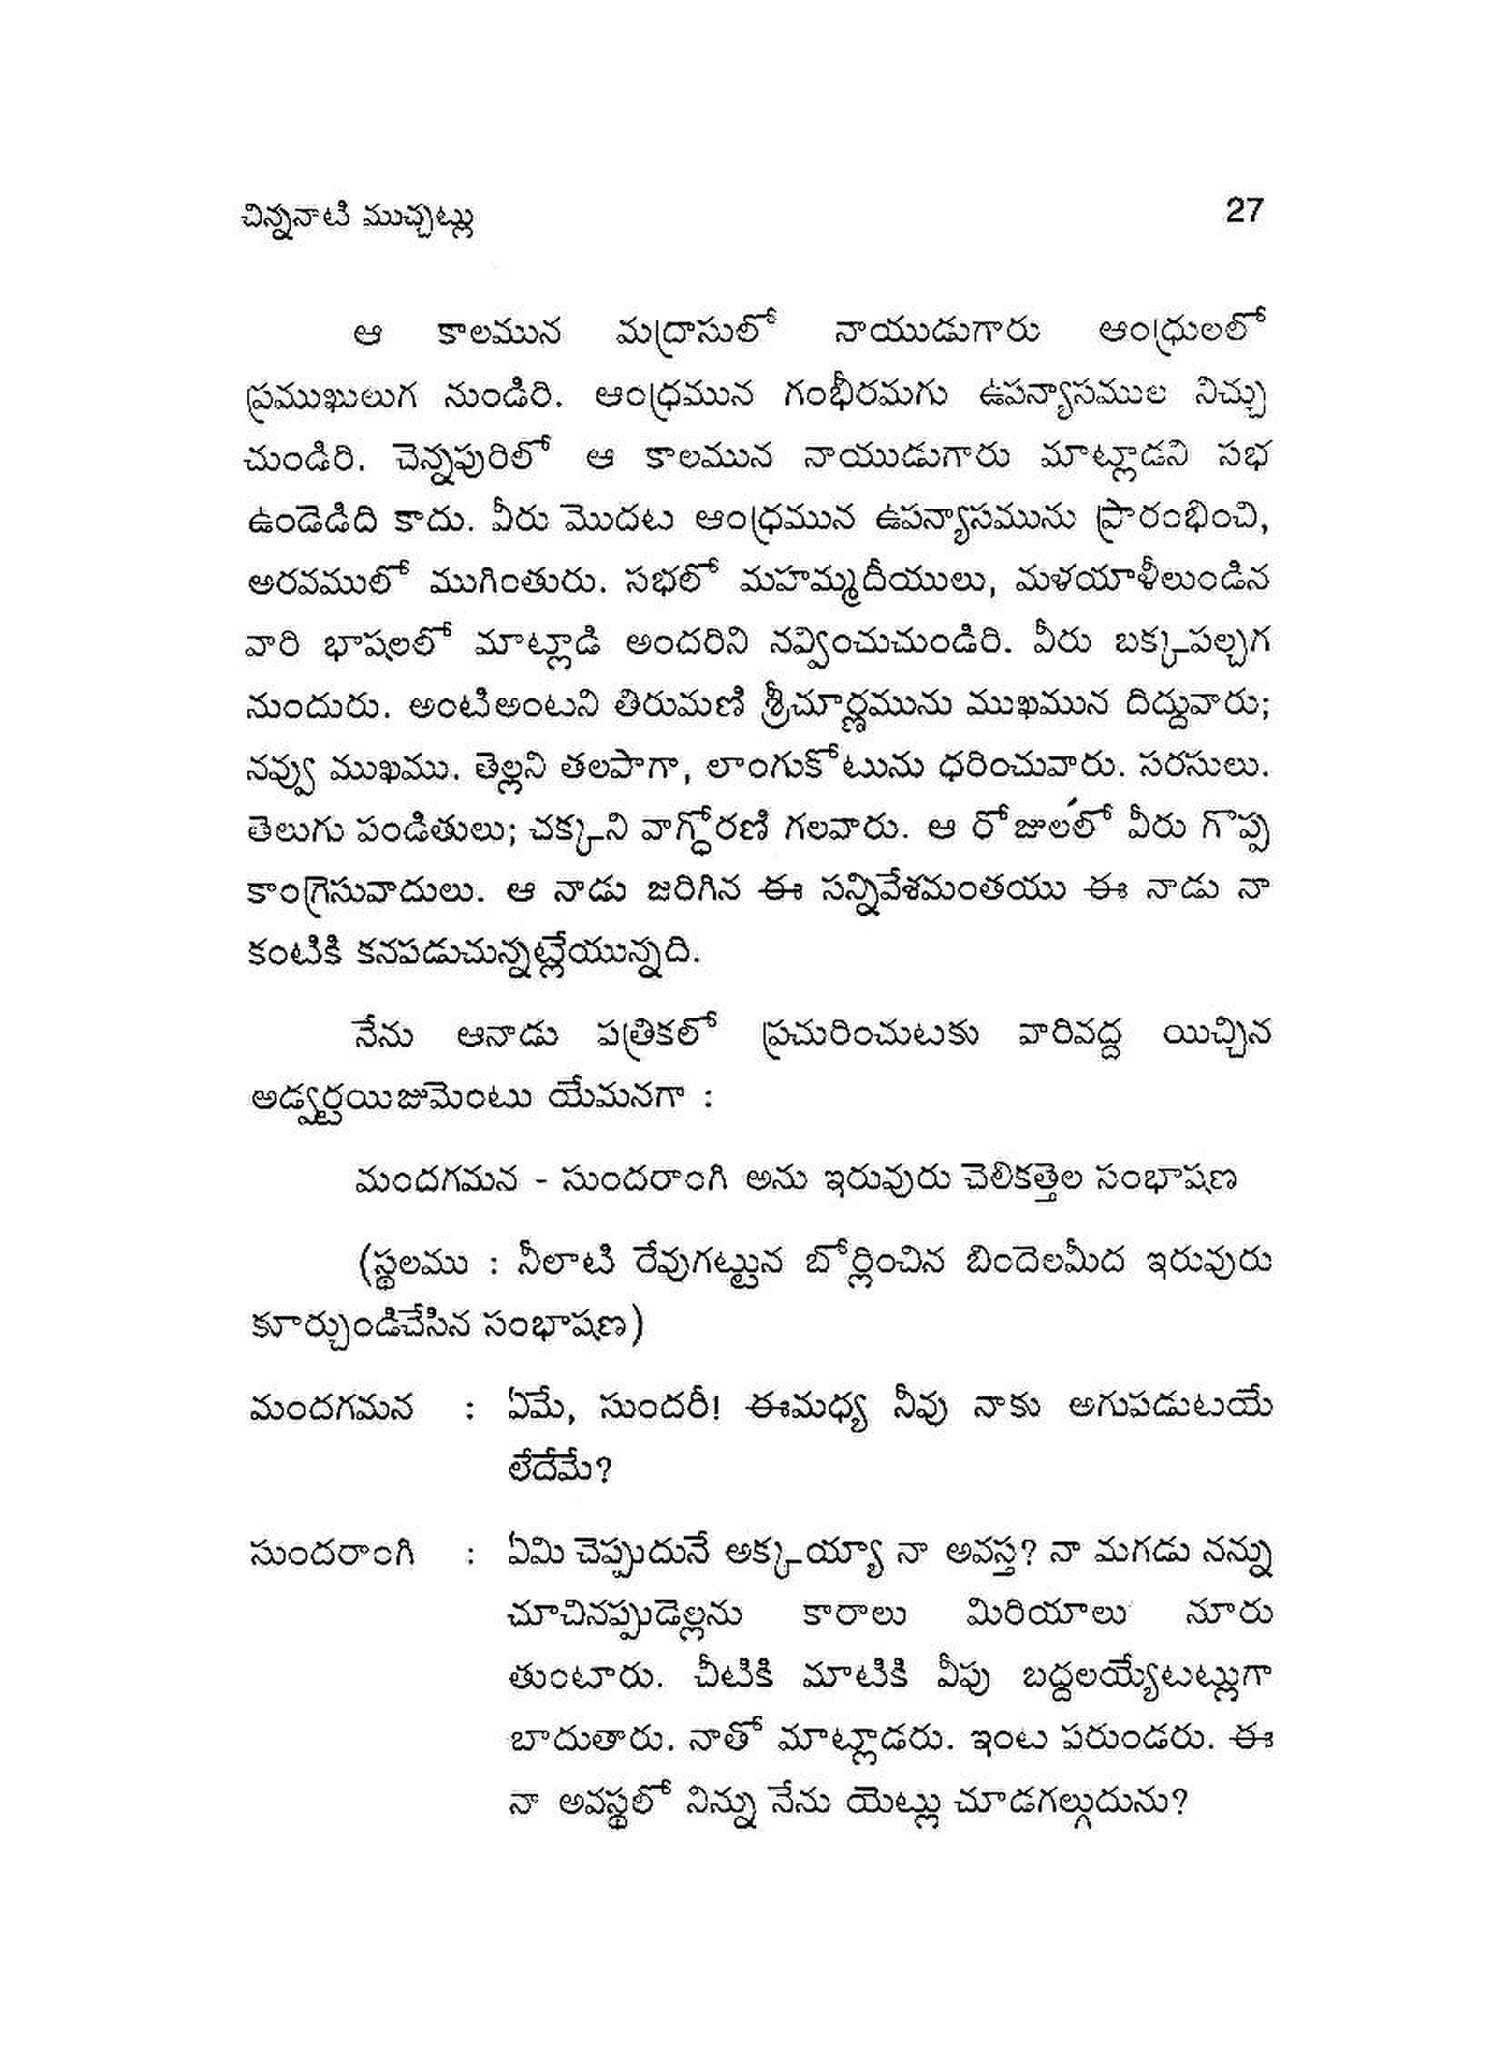ఆ కాలమున మద్రాసులో నాయుడుగారు ఆంధ్రులలో ప్రముఖులుగ నుండిరి. ఆంధ్రమున గంభీరమగు ఉపన్యాసముల నిచ్చుచుండిరి. చెన్నపురిలో ఆ కాలమున నాయుడుగారు మాట్లాడని సభ ఉండెడిది కాదు. వీరు మొదట ఆంధ్రమున ఉపన్యాసమును ప్రారంభించి, అరవములో ముగింతురు. సభలో మహమ్మదీయులు, మళయాళీలుండిన వారి భాషలలో మాట్లాడి అందరిని నవ్వించుచుండిరి. వీరు బక్కపల్చగ నుందురు. అంటి అంటని తిరుమణి శ్రీచూర్ణమును ముఖమున దిద్దువారు; నవ్వు ముఖము, తెల్లని తలపాగా, లాంగుకోటును ధరించువారు. సరసులు. తెలుగు పండితులు; చక్కని వాగ్ధోరణి గలవారు. ఆ రోజులలో వీరు గొప్ప కాంగ్రెసువాదులు. ఆ నాడు జరిగిన ఈ సన్నివేశమంతయు ఈ నాడు నా కంటికి కనపడుచున్నట్లేయున్నది.

నేను ఆనాడు పత్రికలో ప్రచురించుటకు వారివద్ద యిచ్చిన అడ్వర్టయిజుమెంటు యేమనగా :

మందగమన - సుందరాంగి అను ఇరువురు చెలికత్తెల సంభాషణ
(స్థలము : నీలాటి రేవుగట్టున బోర్లించిన బిందెలమీద ఇరువురు కూర్చుండిచేసిన సంభాషణ)

మందగమన : ఏమే, సుందరీ! ఈమధ్య నీవు నాకు అగుపడుటయే లేదేమే?

సుందరాంగి ; ఏమి చెప్పుదునే అక్కయ్యా నా అవస్త? నా మగడు నన్ను చూచినప్పుడెల్లను కారాలు మిరియాలు నూరుతుంటారు. చీటికి మాటికి వీపు బద్దలయ్యేటట్టుగా బాదుతారు. నాతో మాట్లాడరు. ఇంట పరుండరు. ఈ నా అవస్థలో నిన్ను నేను యెట్లు చూడగల్గుదును?